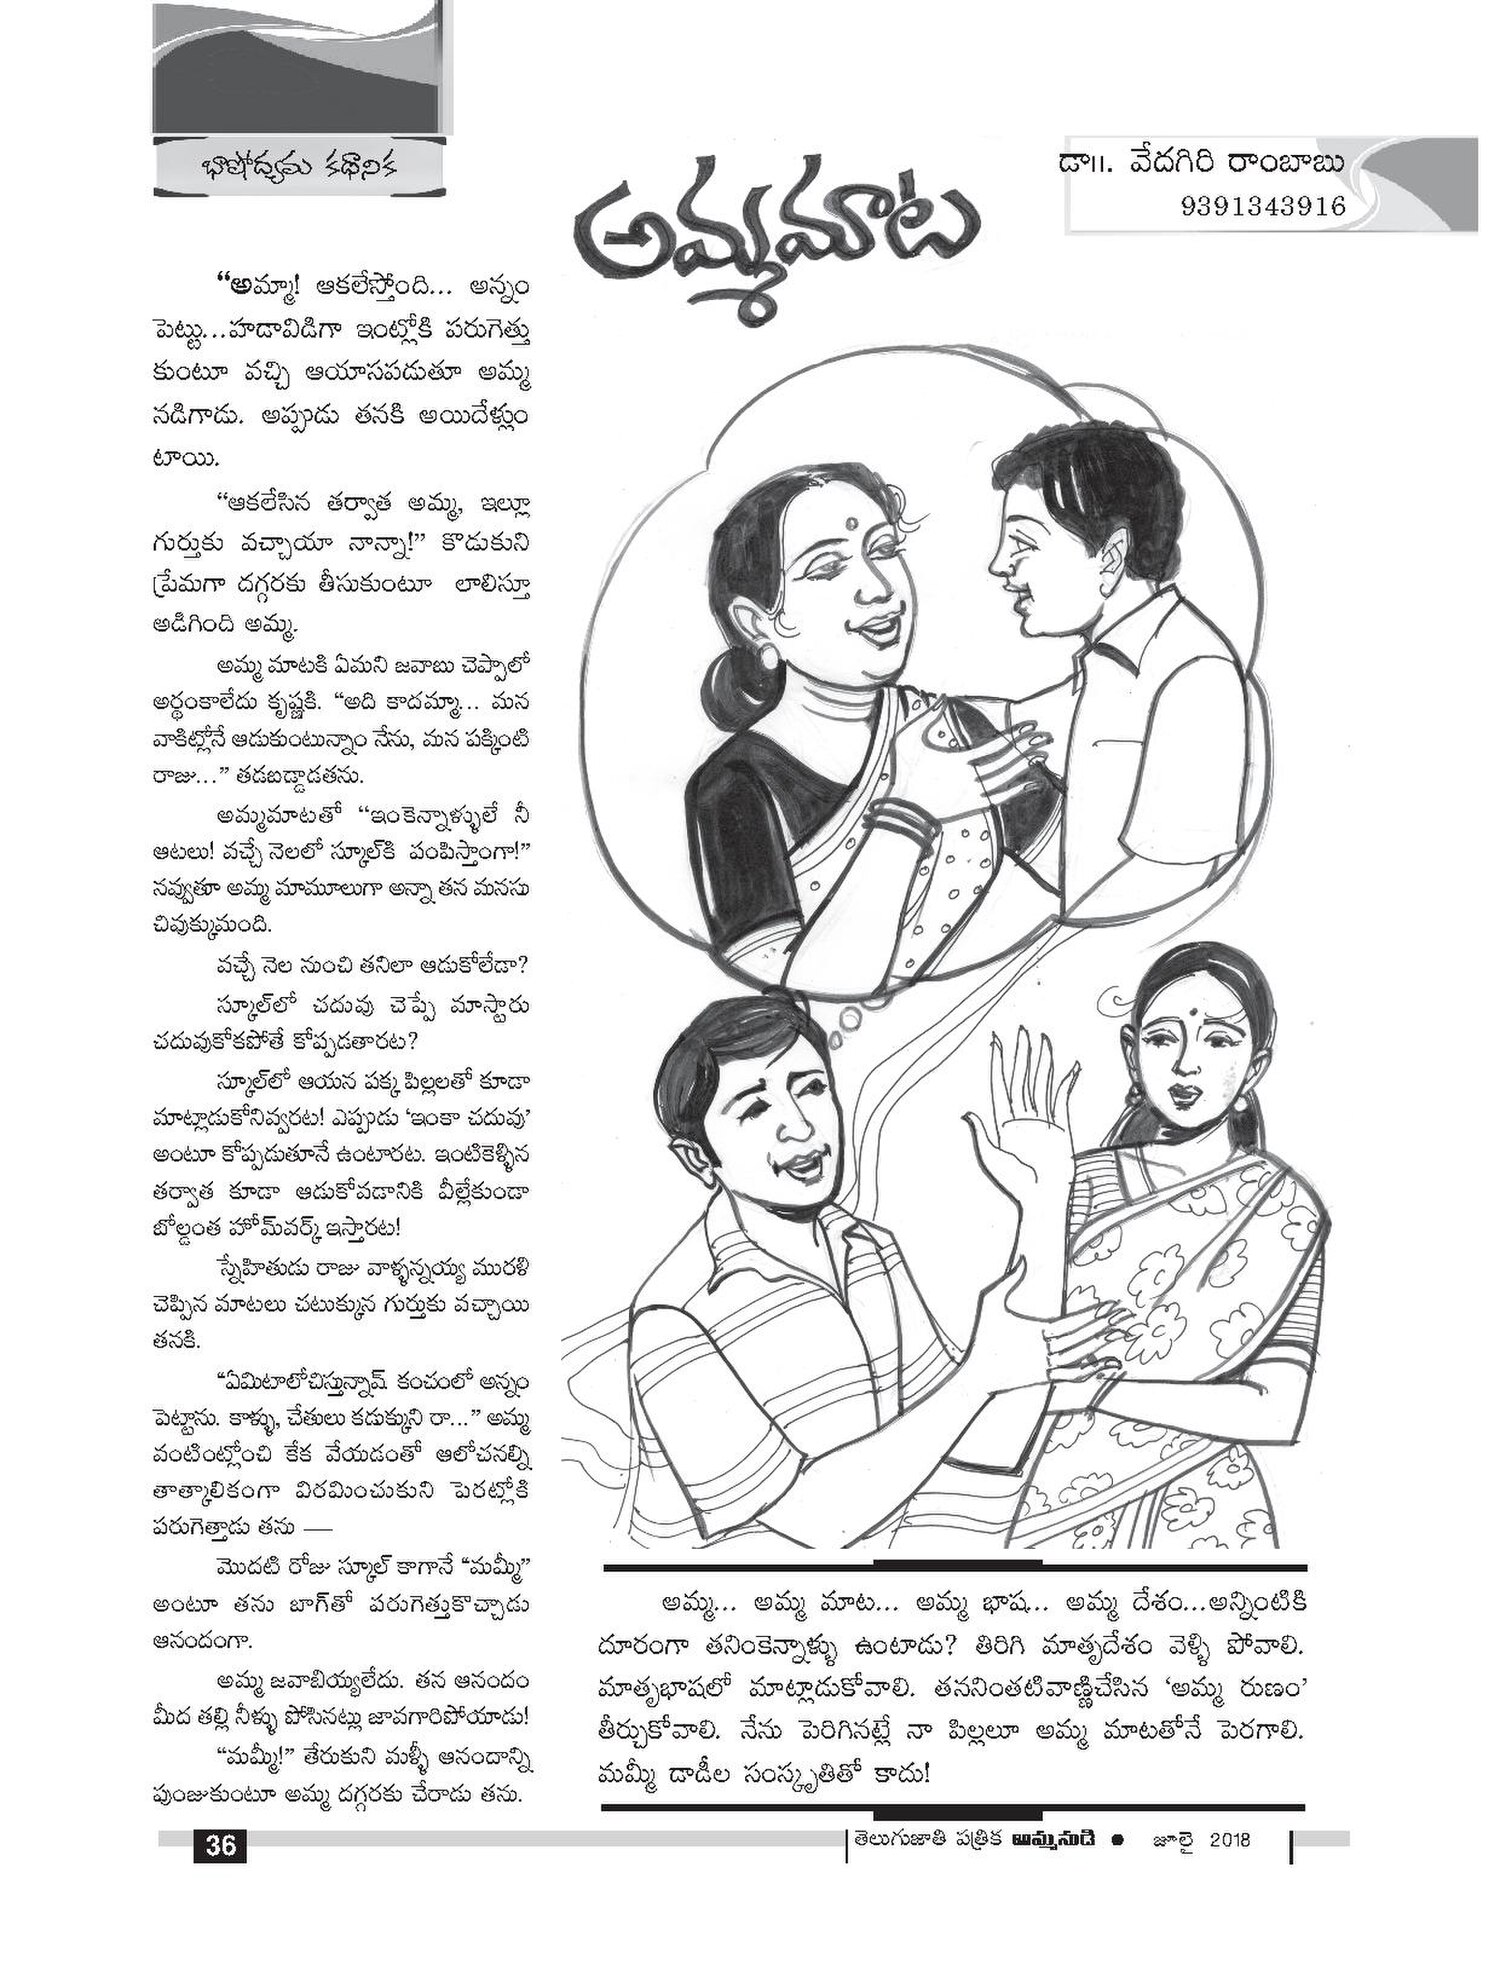“అమ్మా! ఆకలేస్తోంది... అన్నం పెట్టు...హడావిడిగా ఇంట్లోకి పరుగెత్తుకుంటూ వచ్చి ఆయాసపడుతూ అమ్మనడిగాడు. అప్పుడు తనకి అయిదేళ్లుంటాయి.

“ఆకలేసిన తర్వాత అమ్మ, ఇల్లూ గుర్తుకు వచ్చాయా నాన్నా!” కొడుకుని ప్రేమగా దగ్గరకు తీసుకుంటూ లాలిస్తూ అడిగింది అమ్మ.

అమ్మ మాటకి ఏమని జవాబు చెప్పాలో అర్థంకాలేదు కృష్ణకి. “అది కాదమ్మా... మన వాకిట్లోనే ఆడుకుంటున్నాం నేను, మన పక్కింటి రాజు...” తడబడ్డాడతను.

అమ్మమాటతో “ఇంకెన్నాళ్ళులే నీ ఆటలు! వచ్చే నెలలో స్కూల్‌కి పంపిస్తాంగా!" నవ్వుతూ అమ్మ మామూలుగా అన్నా తన మనసు చివుక్కుమంది.

వచ్చే నెల నుంచి తనిలా ఆడుకోలేడా?

స్కూల్లో చదువు చెప్పే మాస్టారు చదువుకోకపోతే కోప్పడతారట?

స్కూల్‌లో ఆయన పక్క పిల్లలతో కూడా మాట్లాడుకోనివ్వరట! ఎప్పుడు 'ఇంకా చదువు' అంటూ కోప్పడుతూనే ఉంటారట. ఇంటికెళ్ళిన తర్వాత కూడా ఆడుకోవడానికి వీల్లేకుండా బోల్డంత హోమ్‌వర్క్ ఇస్తారట!

స్నేహితుడు రాజు వాళ్ళన్నయ్య మురళి చెప్పిన మాటలు చటుక్కున గుర్తుకు వచ్చాయి తనకి.

“ఏమిటాలోచిస్తున్నావ్ కంచంలో అన్నం పెట్టాను. కాళ్ళు, చేతులు కడుక్కుని రా...” అమ్మ వంటింట్లోంచి కేక వేయడంతో ఆలోచనల్ని తాత్కాలికంగా విరమించుకుని పెరట్లోకి
పరుగెత్తాడు తను -

మొదటి రోజు స్కూల్ కాగానే “మమ్మీ” అంటూ తను బాగ్‌తో పరుగెత్తుకొచ్చాడు ఆనందంగా.

అమ్మ జవాబియ్యలేదు. తన ఆనందం మీద తల్లి నీళ్ళు పోసినట్లు జావగారిపోయాడు!

“మమ్మీ!” తేరుకుని మళ్ళీ ఆనందాన్ని పుంజుకుంటూ అమ్మ దగ్గరకు చేరాడు తను.

అమ్మ.... అమ్మ మాట... అమ్మ భాష... అమ్మ దేశం... అన్నింటికి దూరంగా తనింకెన్నాళ్ళు ఉంటాడు? తిరిగి మాతృదేశం వెళ్ళి పోవాలి. మాతృభాషలో మాట్లాడుకోవాలి. తననింతటివాణ్ణి చేసిన 'అమ్మ రుణం' తీర్చుకోవాలి. నేను పెరిగినట్లే నా పిల్లలూ అమ్మ మాటతోనే పెరగాలి. మమ్మీ డాడీల సంస్కృతితో కాదు!